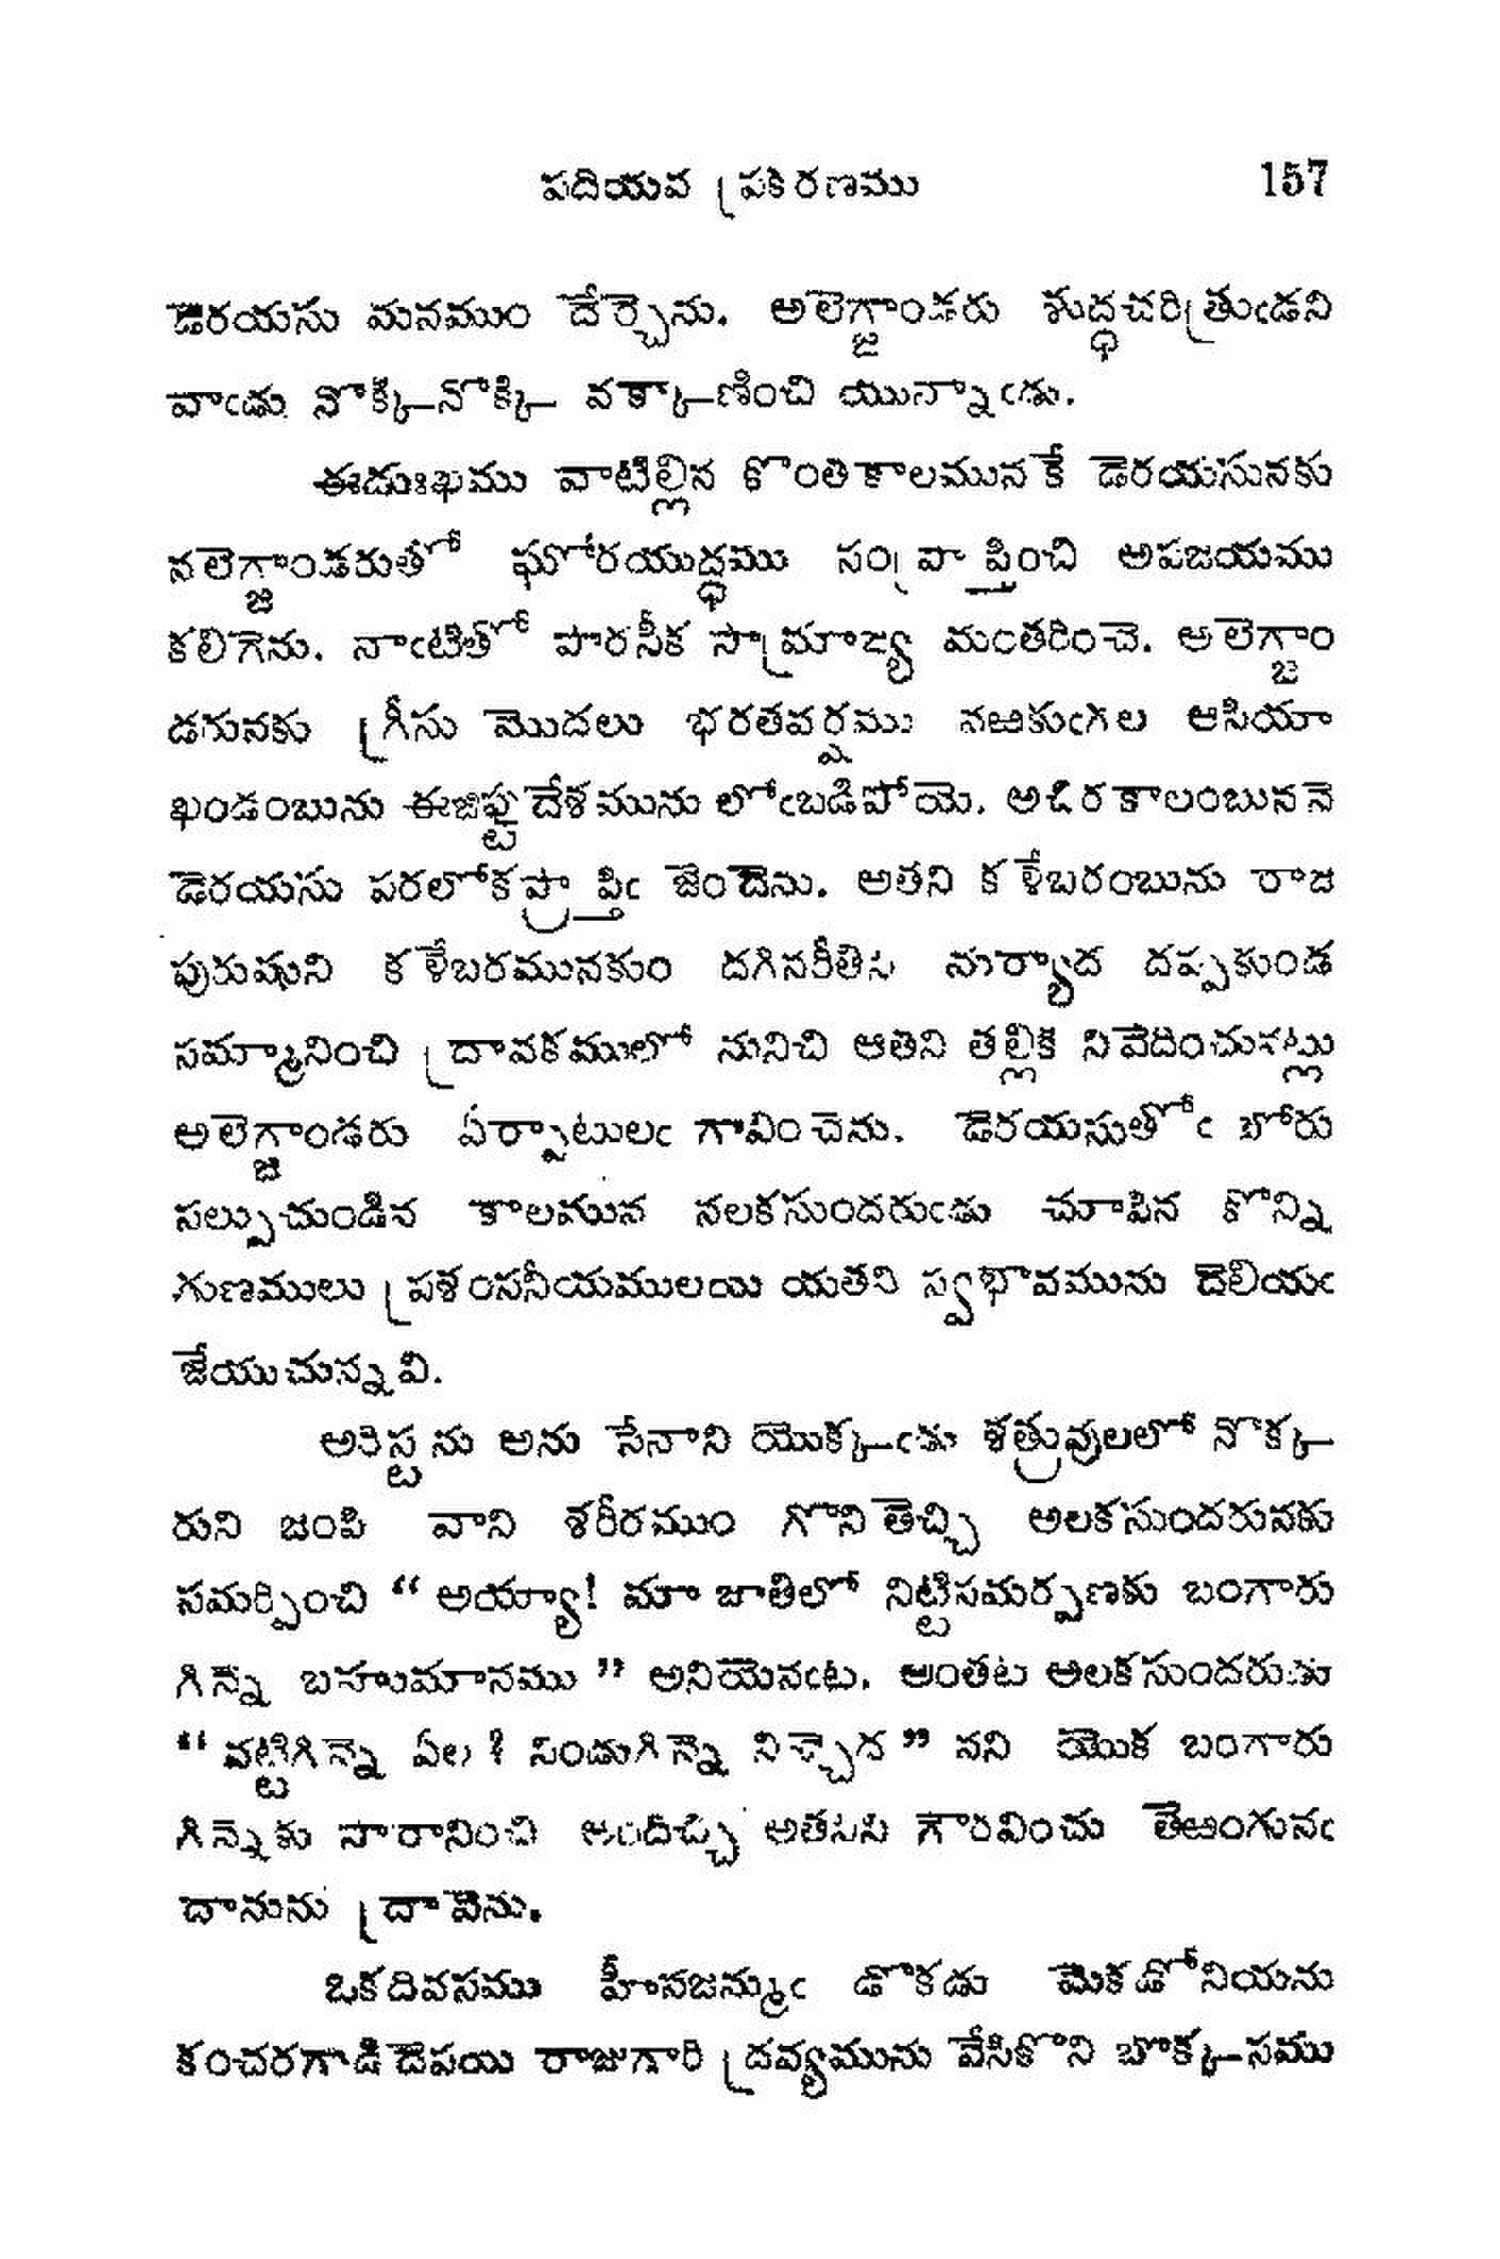డెరయసు మనముం దేర్చెను. అలెగ్జాండరు శుద్ధచరిత్రుఁడని వాఁడు నొక్కినొక్కి వక్కాణించి యున్నాఁడు.

ఈదుఃఖము వాటిల్లిన కొంతకాలమునకే డెరయసునకు నలెగ్జాండరుతో ఘోరయుద్ధము సంప్రాప్తించి అపజయము కలిగెను. నాఁటితో పారసీక సామ్రాజ్య మంతరించె. అలెగ్జాండరునకు గ్రీసు మొదలు భరతవర్షము వఱకుఁగల ఆసియా ఖండంబును ఈజిప్టుదేశమును లోఁబడిపోయె. అచిరకాలంబుననె డెరయసు పరలోకప్రాప్తిఁ జెందెను. అతని కళేబరంబును రాజపురుషుని కళేబరమునకుం దగినరీతిని మర్యాద దప్పకుండ సమ్మానించి ద్రావకములో నునిచి ఆతని తల్లికి నివేదించునట్లు అలెగ్జాండరు ఏర్పాటులఁ గావించెను. డెరయసుతోఁ బోరు సల్పుచుండిన కాలమున నలకసుందరుఁడు చూపిన కొన్ని గుణములు ప్రశంసనీయములయి యతని స్వభావమును దెలియఁ జేయుచున్నవి.

అరెస్టను అను సేనాని యొక్కఁడు శత్రువులలో నొక్కరుని జంపి వాని శరీరముం గొనితెచ్చి అలకసుందరునకు సమర్పించి "అయ్యా! మా జాతిలో నిట్టిసమర్పణకు బంగారు గిన్న బహుమానము" అనియెనఁట. అంతట అలకసుందరుడు. "వట్టిగిన్నె ఏల? నిండుగిన్నె నిచ్చెద" నని యొక బంగారు గిన్నెకు సారానించి అందిచ్చి అతనిని గౌరవించు తెఱంగునఁ దానును ద్రావెను.

ఒకదివసము హీనజన్ముఁ డొకడు మెకడోనియను కంచరగాడిదెపయి రాజుగారి ద్రవ్యమును వేసికొని బొక్కసము